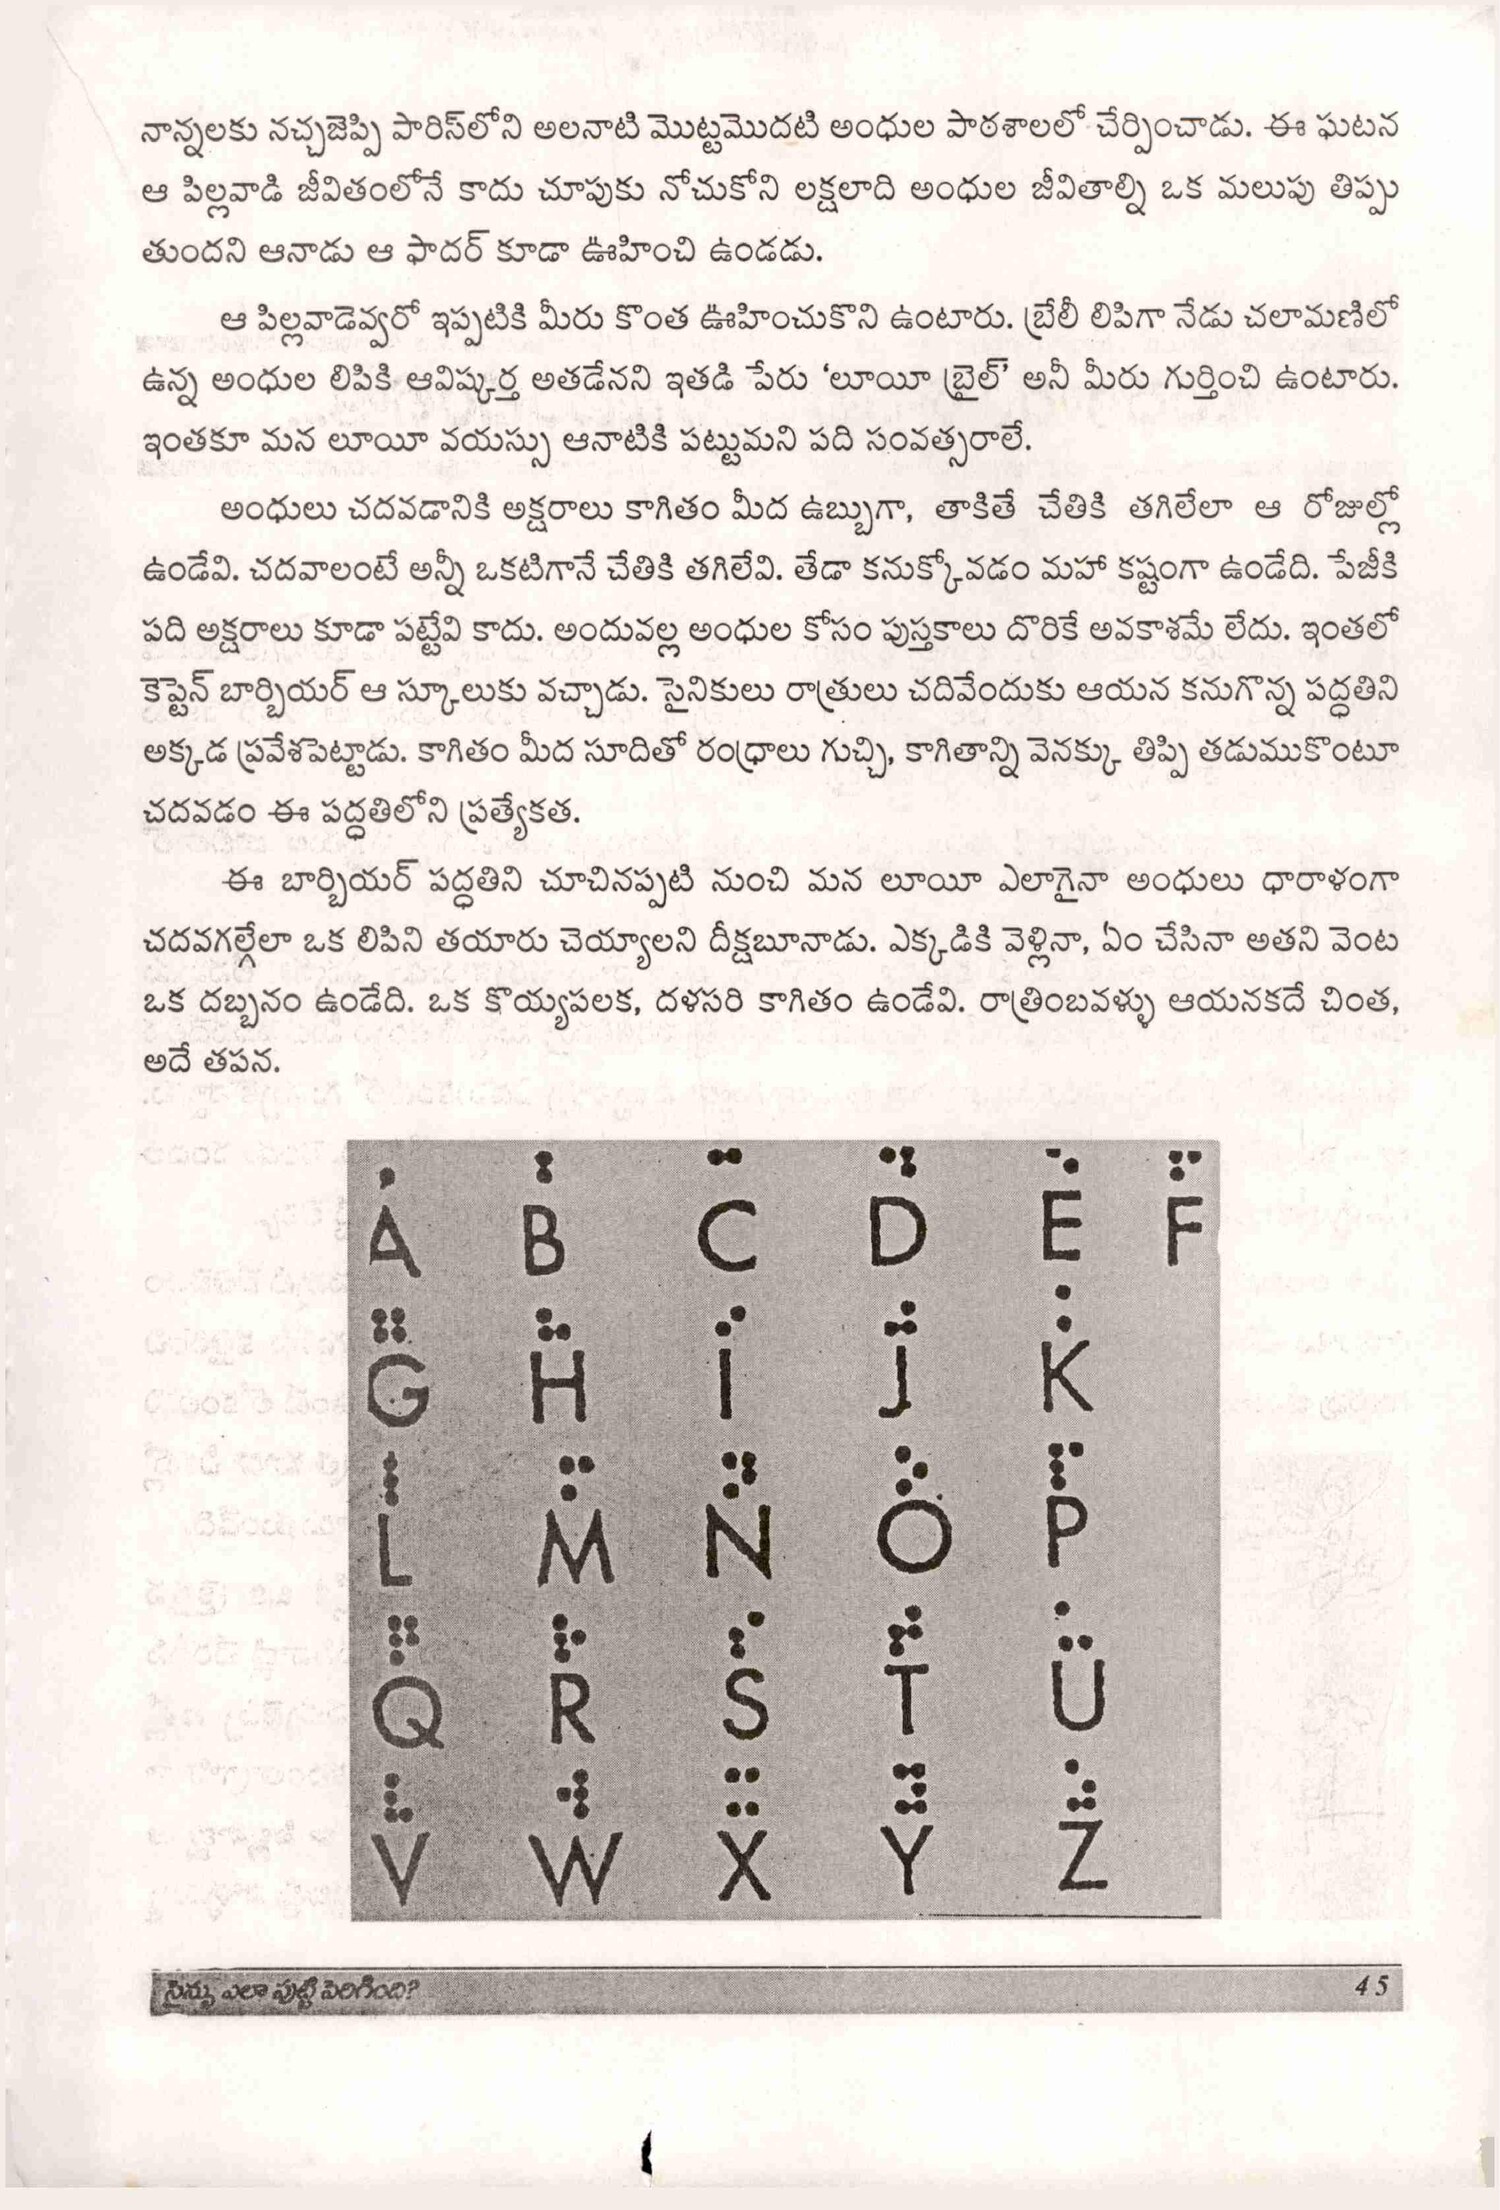నాన్నలకు నచ్చజెప్పి పారిస్‌లోని అలనాటి మొట్టమొదటి అంధుల పాఠశాలలో చేర్పించాడు. ఈ ఘటన ఆ పిల్లవాడి జీవితంలోనే కాదు చూపుకు నోచుకోని లక్షలాది అంధుల జీవితాల్ని ఒక మలుపు తిప్పుతుందని ఆనాడు ఆ ఫాదర్ కూడా ఊహించి ఉండడు.

ఆ పిల్లవాడెవ్వరో ఇప్పటికి మీరు కొంత ఊహించుకొని ఉంటారు. బ్రేలీ లిపిగా నేడు చలామణిలో ఉన్న అంధుల లిపికి ఆవిష్కర్త అతడేనని ఇతడి పేరు 'లూయీ బ్రైల్' అనీ మీరు గుర్తించి ఉంటారు. ఇంతకూ మన లూయీ వయస్సు ఆనాటికి పట్టుమని పది సంవత్సరాలే.

అంధులు చదవడానికి అక్షరాలు కాగితం మీద ఉబ్బుగా, తాకితే చేతికి తగిలేలా ఆ రోజుల్లో ఉండేవి. చదవాలంటే అన్నీ ఒకటిగానే చేతికి తగిలేవి. తేడా కనుక్కోవడం మహా కష్టంగా ఉండేది. పేజీకి పది అక్షరాలు కూడా పట్టేవి కాదు. అందువల్ల అంధుల కోసం పుస్తకాలు దొరికే అవకాశమే లేదు. ఇంతలో కెప్టెన్ బార్బియర్ ఆ స్కూలుకు వచ్చాడు. సైనికులు రాత్రులు చదివేందుకు ఆయన కనుగొన్న పద్ధతిని అక్కడ ప్రవేశపెట్టాడు. కాగితం మీద సూదితో రంధ్రాలు గుచ్చి, కాగితాన్ని వెనక్కు తిప్పి తడుముకొంటూ చదవడం ఈ పద్ధతిలోని ప్రత్యేకత.

ఈ బార్బియర్ పద్ధతిని చూచినప్పటి నుంచి మన లూయీ ఎలాగైనా అంధులు ధారాళంగా చదవగల్గేలా ఒక లిపిని తయారు చెయ్యాలని దీక్షబూనాడు. ఎక్కడికి వెళ్లినా, ఏం చేసినా అతని వెంట ఒక దబ్బనం ఉండేది. ఒక కొయ్యపలక, దళసరి కాగితం ఉండేవి. రాత్రింబవళ్ళు ఆయనకదే చింత, అదే తపన.